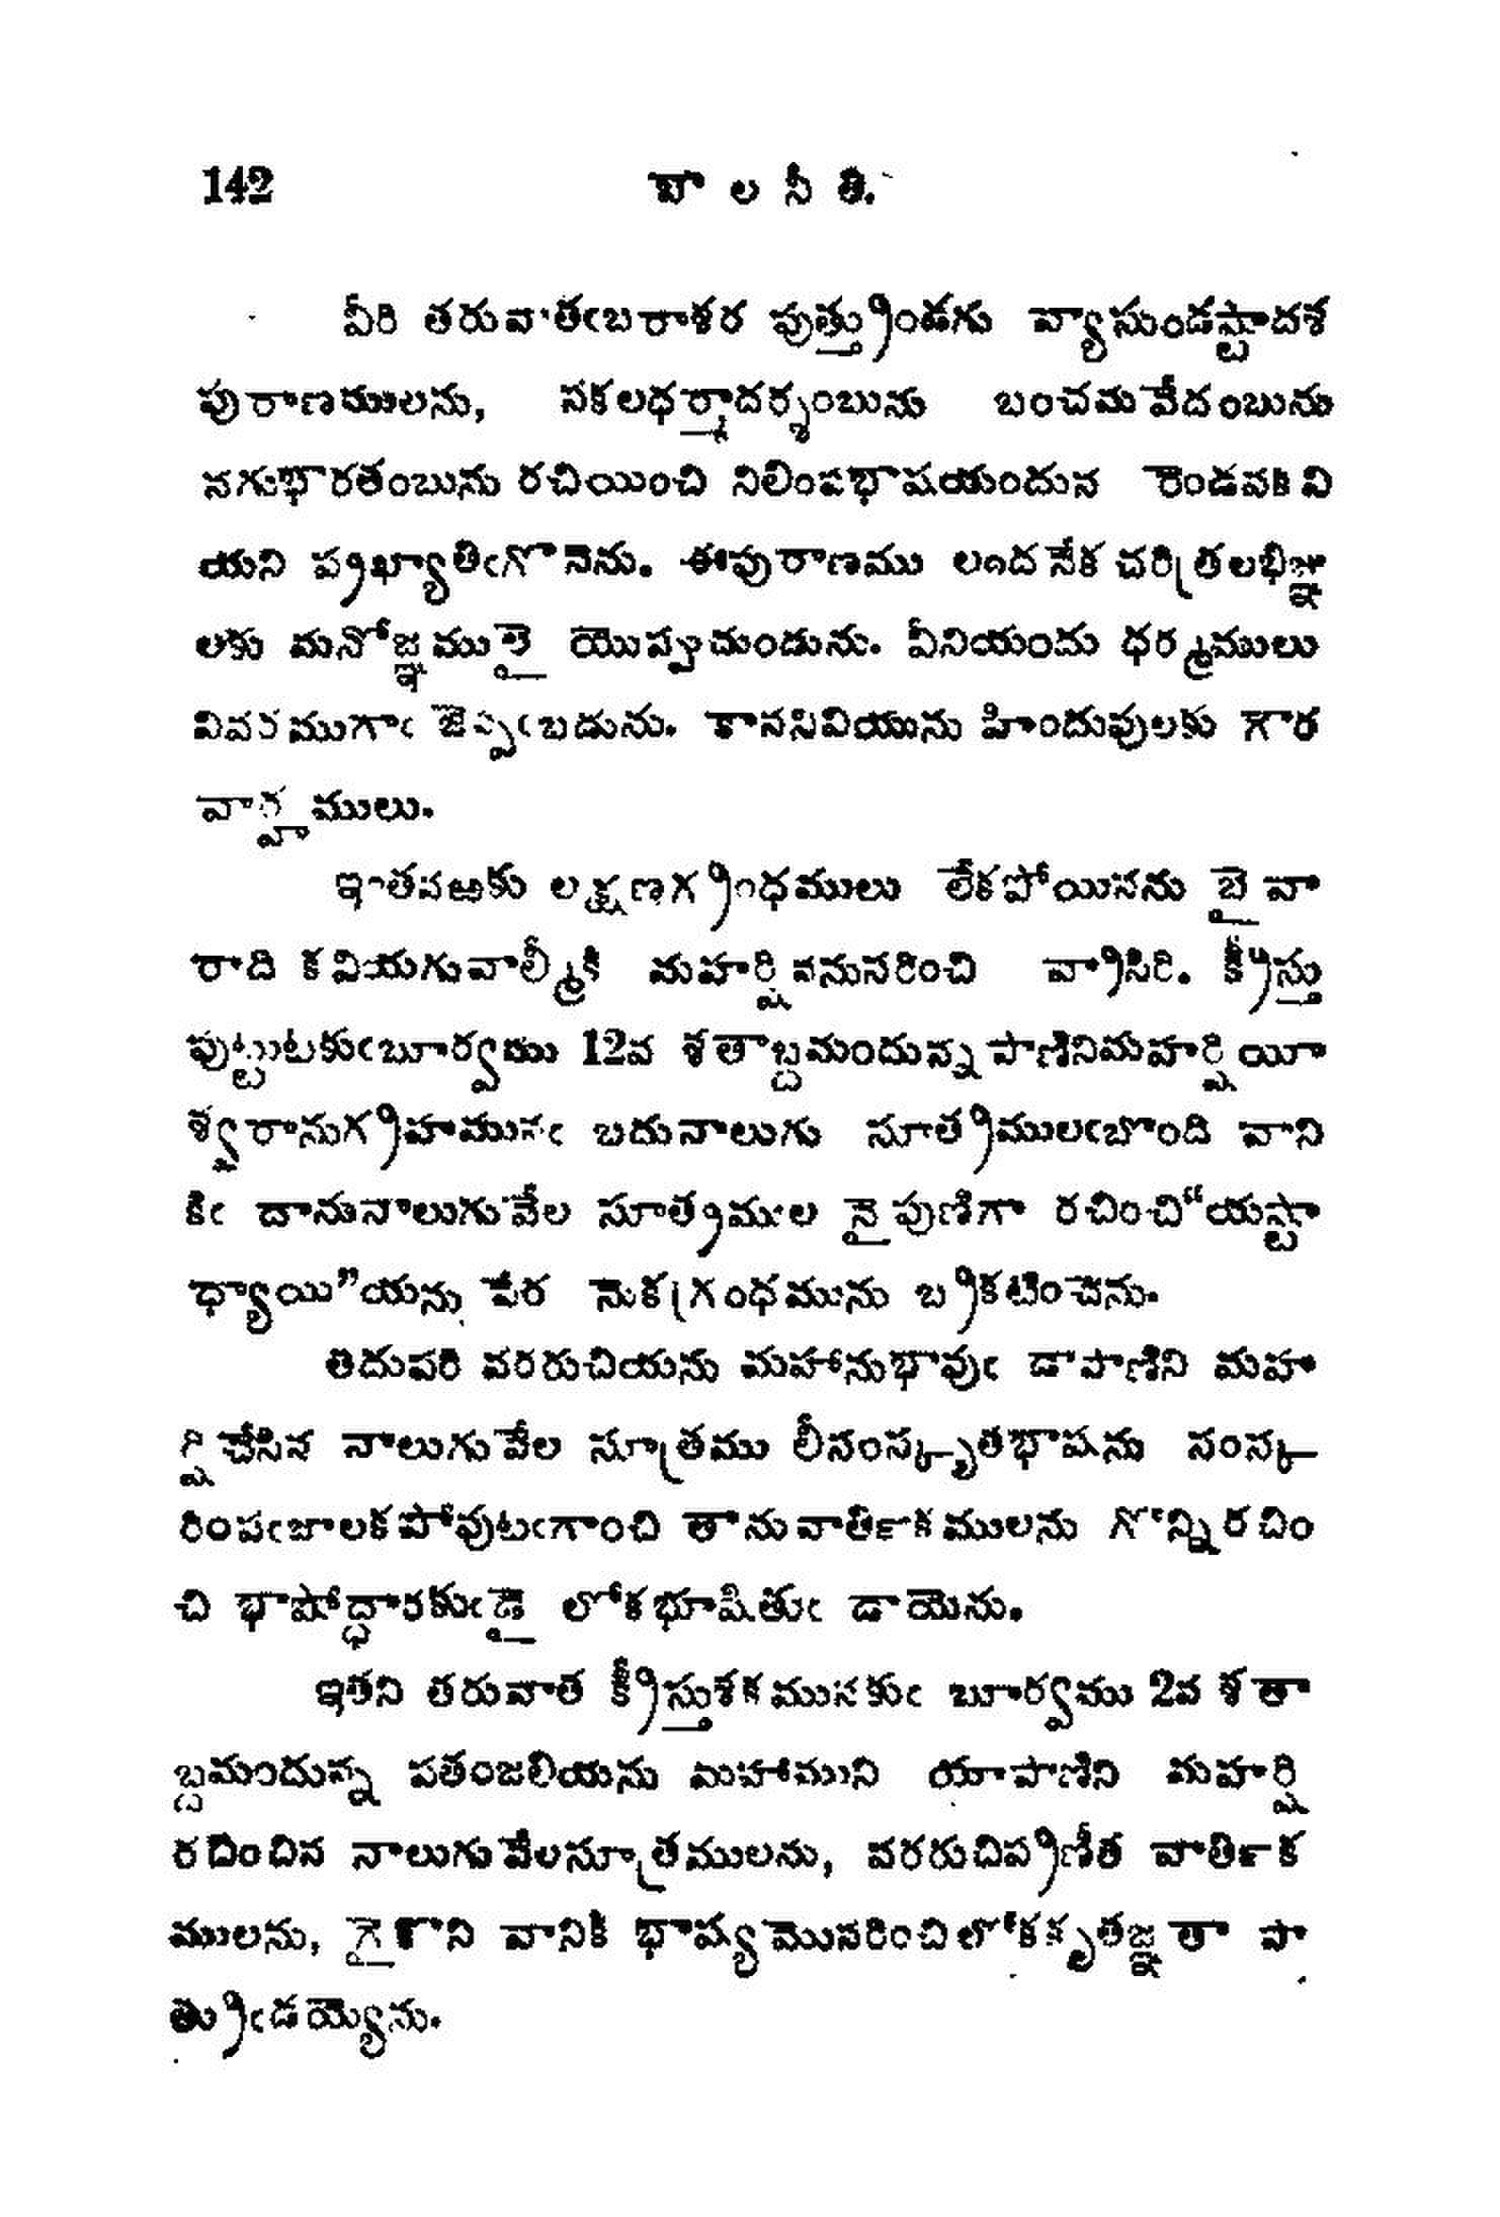వీరి తరువాతఁబరాశర పుత్త్రుండగు వ్యాసుండష్టాదశ 
పురాణములను, సకలధర్మాదర్శంబును బంచమవేదంబును 
నగుభారతంబును రచియించి నిలింపభాషయందున రెండవకవి
యని ప్రఖ్యాతిఁగొనెను. ఈపురాణము లందనేక చరిత్రలభిజ్ఞు
లకు మనోజ్ఞములై యొప్పుచుండును. వీనియందు ధర్మములు 
వివరముగాఁ జెప్పఁబడును. కాననివియును హిందువులకు గౌర
వార్హములు.

ఇంతవఱకు లక్షణగ్రంధములు లేకపోయినను బైవా
రాది కవియగువాల్మీకి మహర్షిననుసరించి వ్రాసిరి. క్రీస్తు
పుట్టుటకుఁబూర్వము 12వ శతాబ్దమందున్న పాణినిమహర్షియీ
శ్వరానుగ్రహమునఁ బదునాలుగు సూత్రములఁబొంది వాని
కిఁ దానునాలుగువేల సూత్రముల నైపుణిగా రచించి "యష్టా
ధ్యాయి"యను పేర నొకగ్రంధమును బ్రకటించెను.

తదుపరి వరరుచియను మహానుభావుఁ డాపాణిని మహ
ర్షిచేసిన నాలుగువేల సూత్రము లీసంస్కృతభాషను సంస్క
రింపఁజాలకపోవుటఁగాంచి తానువాతిన్‌కములను గొన్నిరచిం
చి భాషోద్ధారకుఁడై లోకభూషితుఁ డాయెను.

ఇతని తరువాత క్రీస్తుశకమునకుఁ బూర్వము 2వ శతా
బ్దమందున్న పతంజలియను మహాముని యాపాణిని మహర్షి 
రచించిన నాలుగువేలసూత్రములను, వరరుచిప్రణీత వాతిన్‌క
ములను, గైకొని వానికి భాష్యమొనరించిలోకకృతజ్ఞతా పా
త్రుఁడయ్యెను.